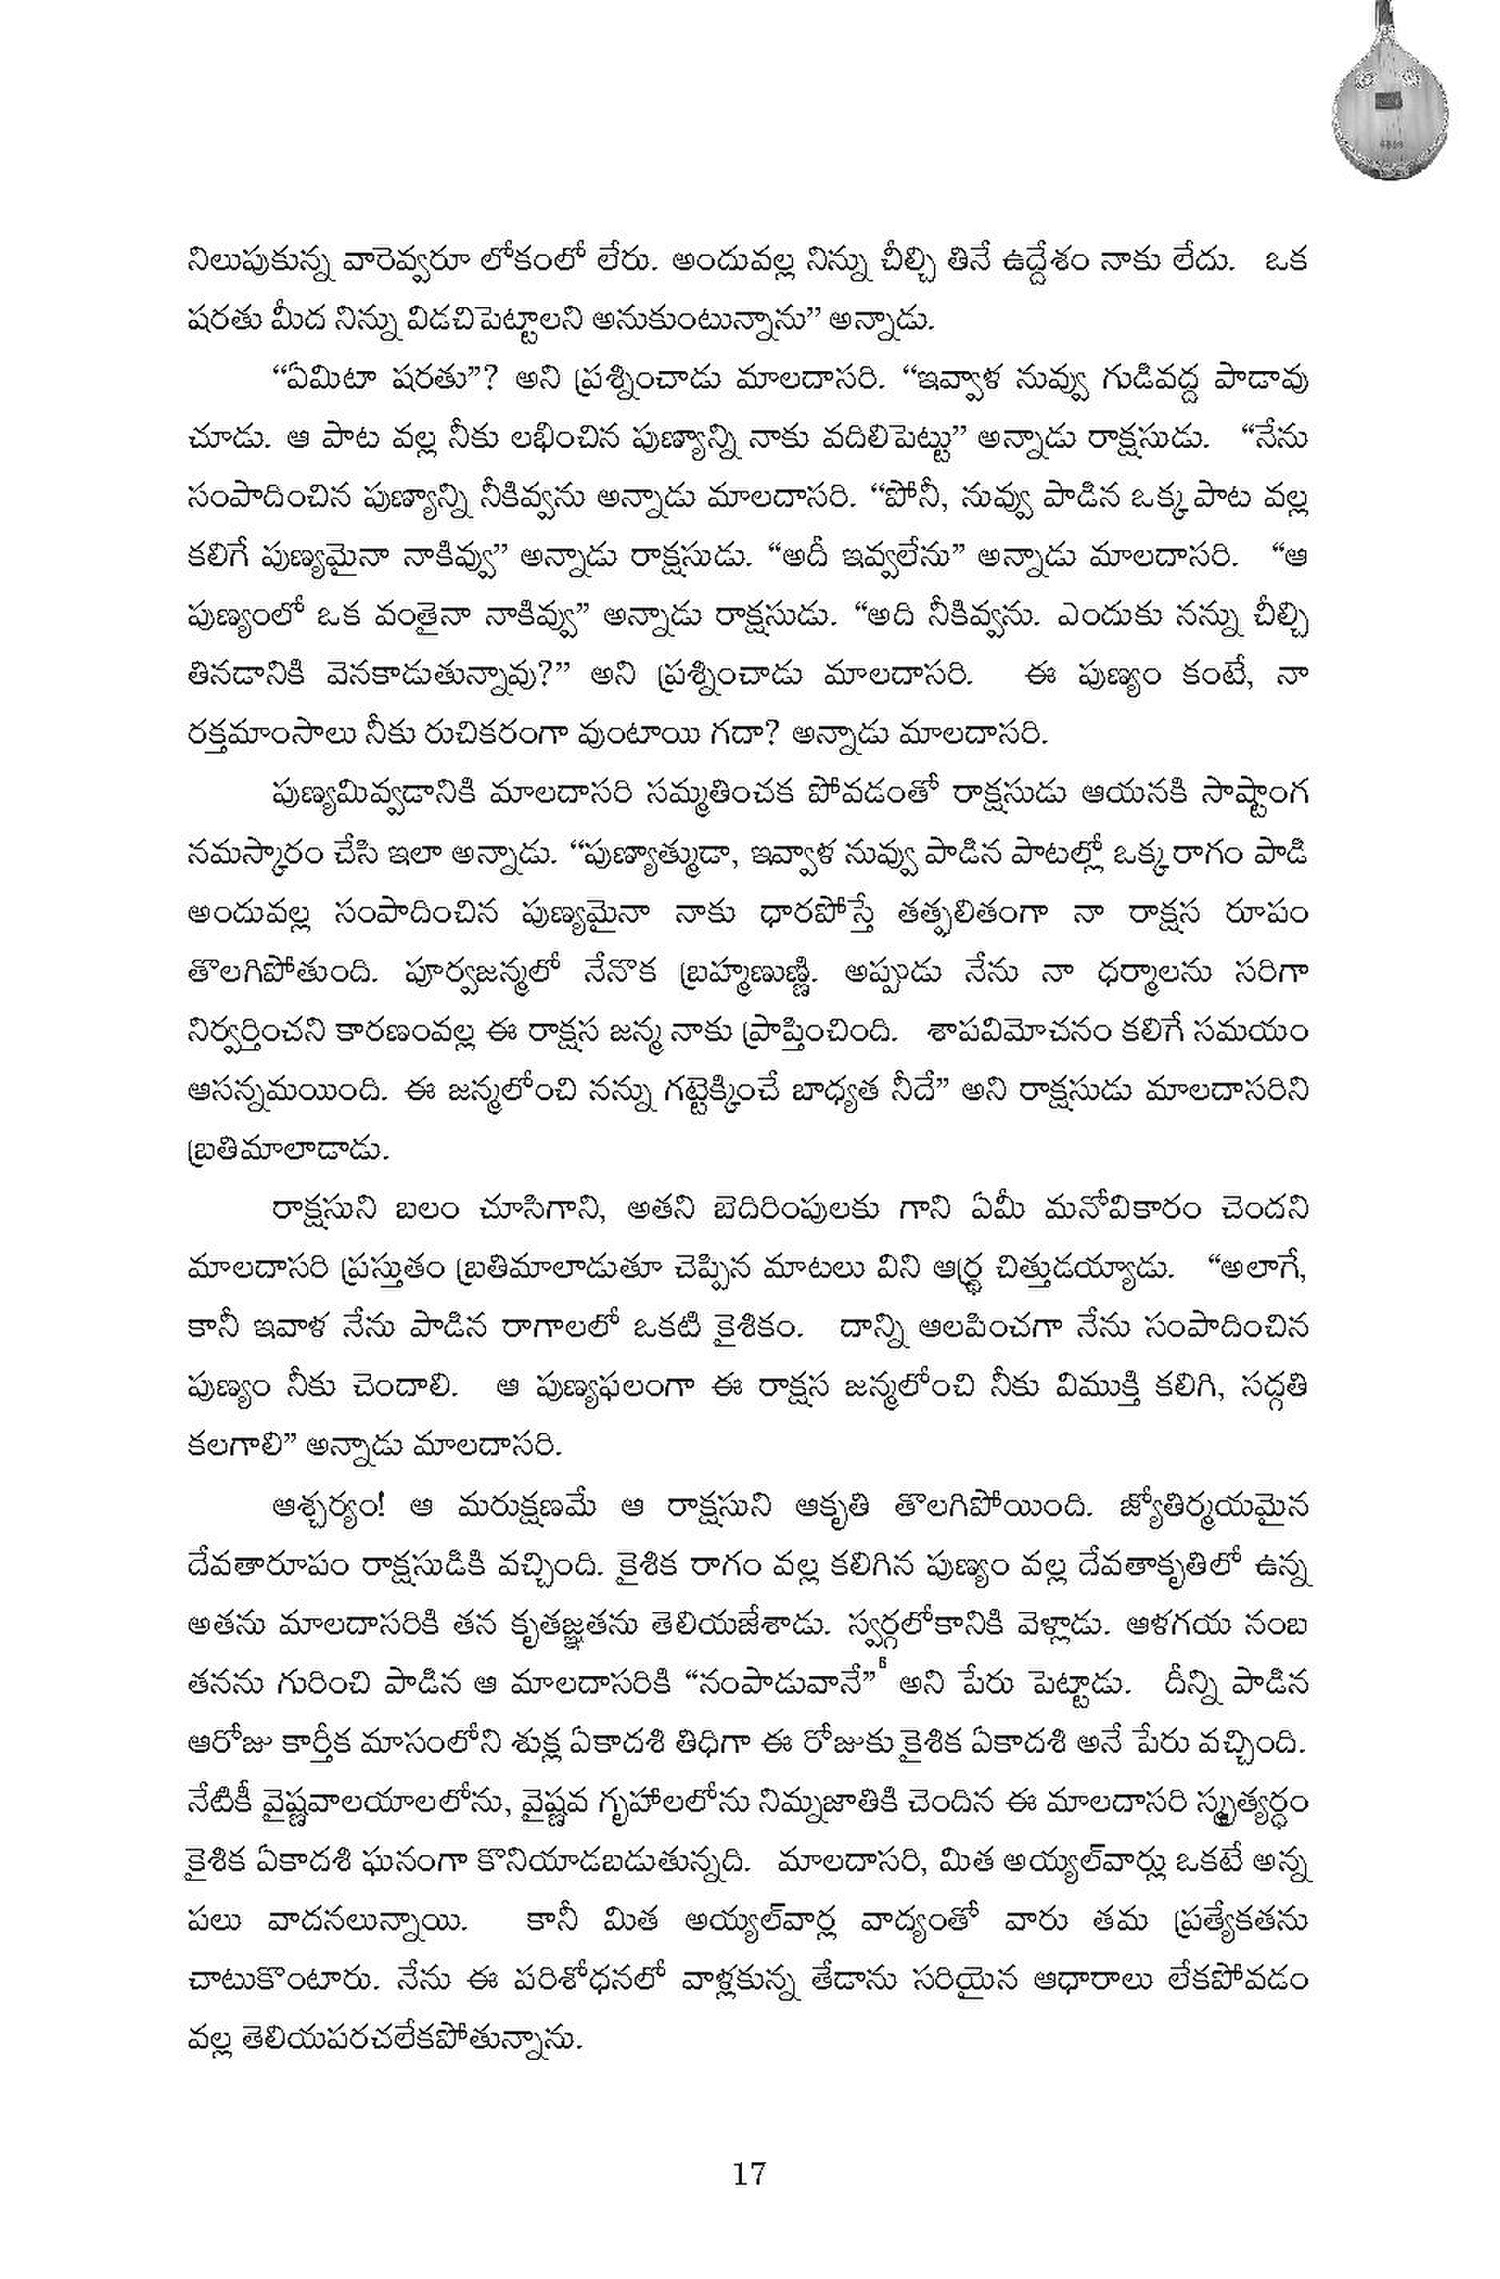నిలుపుకున్న వారెవ్వరూ లోకంలో లేరు. అందువల్ల నిన్ను చీల్చి తినే ఉద్దేశం నాకు లేదు. ఒక షరతు మీద నిన్ను విడచిపెట్టాలని అనుకుంటున్నాను” అన్నాడు.

“ఏమిటా షరతు”? అని ప్రశ్నించాడు మాలదాసరి. “ఇవ్వాళ నువ్వు గుడివద్ద పాడావు చూడు. ఆ పాట వల్ల నీకు లభించిన పుణ్యాన్ని నాకు వదిలిపెట్టు" అన్నాడు రాక్షసుడు. "నేను సంపాదించిన పుణ్యాన్ని నీకివ్వను అన్నాడు మాలదాసరి. “పోనీ, నువ్వు పాడిన ఒక్క పాట వల్ల కలిగే పుణ్యమైనా నాకివ్వు" అన్నాడు రాక్షసుడు. "అదీ ఇవ్వలేను” అన్నాడు మాలదాసరి. “ఆ పుణ్యంలో ఒక వంతైనా నాకివ్వు" అన్నాడు రాక్షసుడు. "అది నీకివ్వను. ఎందుకు నన్ను చీల్చి
తినడానికి వెనకాడుతున్నావు?" అని ప్రశ్నించాడు మాలదాసరి. ఈ పుణ్యం కంటే, నా రక్తమాంసాలు నీకు రుచికరంగా వుంటాయి గదా? అన్నాడు మాలదాసరి. 

పుణ్యమివ్వడానికి మాలదాసరి సమ్మతించక పోవడంతో రాక్షసుడు ఆయనకి సాష్టాంగ నమస్కారం చేసి ఇలా అన్నాడు. "పుణ్యాత్ముడా, ఇవ్వాళ నువ్వు పాడిన పాటల్లో ఒక్క రాగం పాడి అందువల్ల సంపాదించిన పుణ్యమైనా నాకు ధారపోస్తే తత్ఫలితంగా నా రాక్షస రూపం తొలగిపోతుంది. పూర్వజన్మలో నేనొక బ్రహ్మణుణ్ణి. అప్పుడు నేను నా ధర్మాలను సరిగా
నిర్వర్తించని కారణంవల్ల ఈ రాక్షస జన్మ నాకు ప్రాప్తించింది. శాపవిమోచనం కలిగే సమయం ఆసన్నమయింది. ఈ జన్మలోంచి నన్ను గట్టెక్కించే బాధ్యత నీదే" అని రాక్షసుడు మాలదాసరిని బ్రతిమాలాడాడు.

రాక్షసుని బలం చూసిగాని, అతని బెదిరింపులకు గాని ఏమీ మనోవికారం చెందని మాలదాసరి ప్రస్తుతం బ్రతిమాలాడుతూ చెప్పిన మాటలు విని ఆర్ద్ర చిత్తుడయ్యాడు. “అలాగే, కానీ ఇవాళ నేను పాడిన రాగాలలో ఒకటి కైశికం. దాన్ని ఆలపించగా నేను సంపాదించిన పుణ్యం నీకు చెందాలి. ఆ పుణ్యఫలంగా ఈ రాక్షస జన్మలోంచి నీకు విముక్తి కలిగి, సద్గతి కలగాలి" అన్నాడు మాలదాసరి.

ఆశ్చర్యం! ఆ మరుక్షణమే ఆ రాక్షసుని ఆకృతి తొలగిపోయింది. జ్యోతిర్మయమైన దేవతారూపం రాక్షసుడికి వచ్చింది. కైశిక రాగం వల్ల కలిగిన పుణ్యం వల్ల దేవతాకృతిలో ఉన్న అతను మాలదాసరికి తన కృతజ్ఞతను తెలియజేశాడు. స్వర్గలోకానికి వెళ్లాడు. ఆళగయ నంబ తనను గురించి పాడిన ఆ మాలదాసరికి “నంపాడువానే” అని పేరు పెట్టాడు. దీన్ని పాడిన
ఆరోజు కార్తీక మాసంలోని శుక్ల ఏకాదశి తిధిగా ఈ రోజుకు కైశిక ఏకాదశి అనే పేరు వచ్చింది. నేటికీ వైష్ణవాలయాలలోను, వైష్ణవ గృహాలలోను నిమ్నజాతికి చెందిన ఈ మాలదాసరి స్మృత్యర్ధం కైశిక ఏకాదశి ఘనంగా కొనియాడబడుతున్నది. మాలదాసరి, మిత అయ్యల్వార్లు ఒకటే అన్న పలు వాదనలున్నాయి. కానీ మిత అయ్యల్వార్ల వాద్యంతో వారు తమ ప్రత్యేకతను చాటుకొంటారు. నేను ఈ పరిశోధనలో వాళ్లకున్న తేడాను సరియైన ఆధారాలు లేకపోవడం వల్ల తెలియ పరచలేక పోతున్నాను.